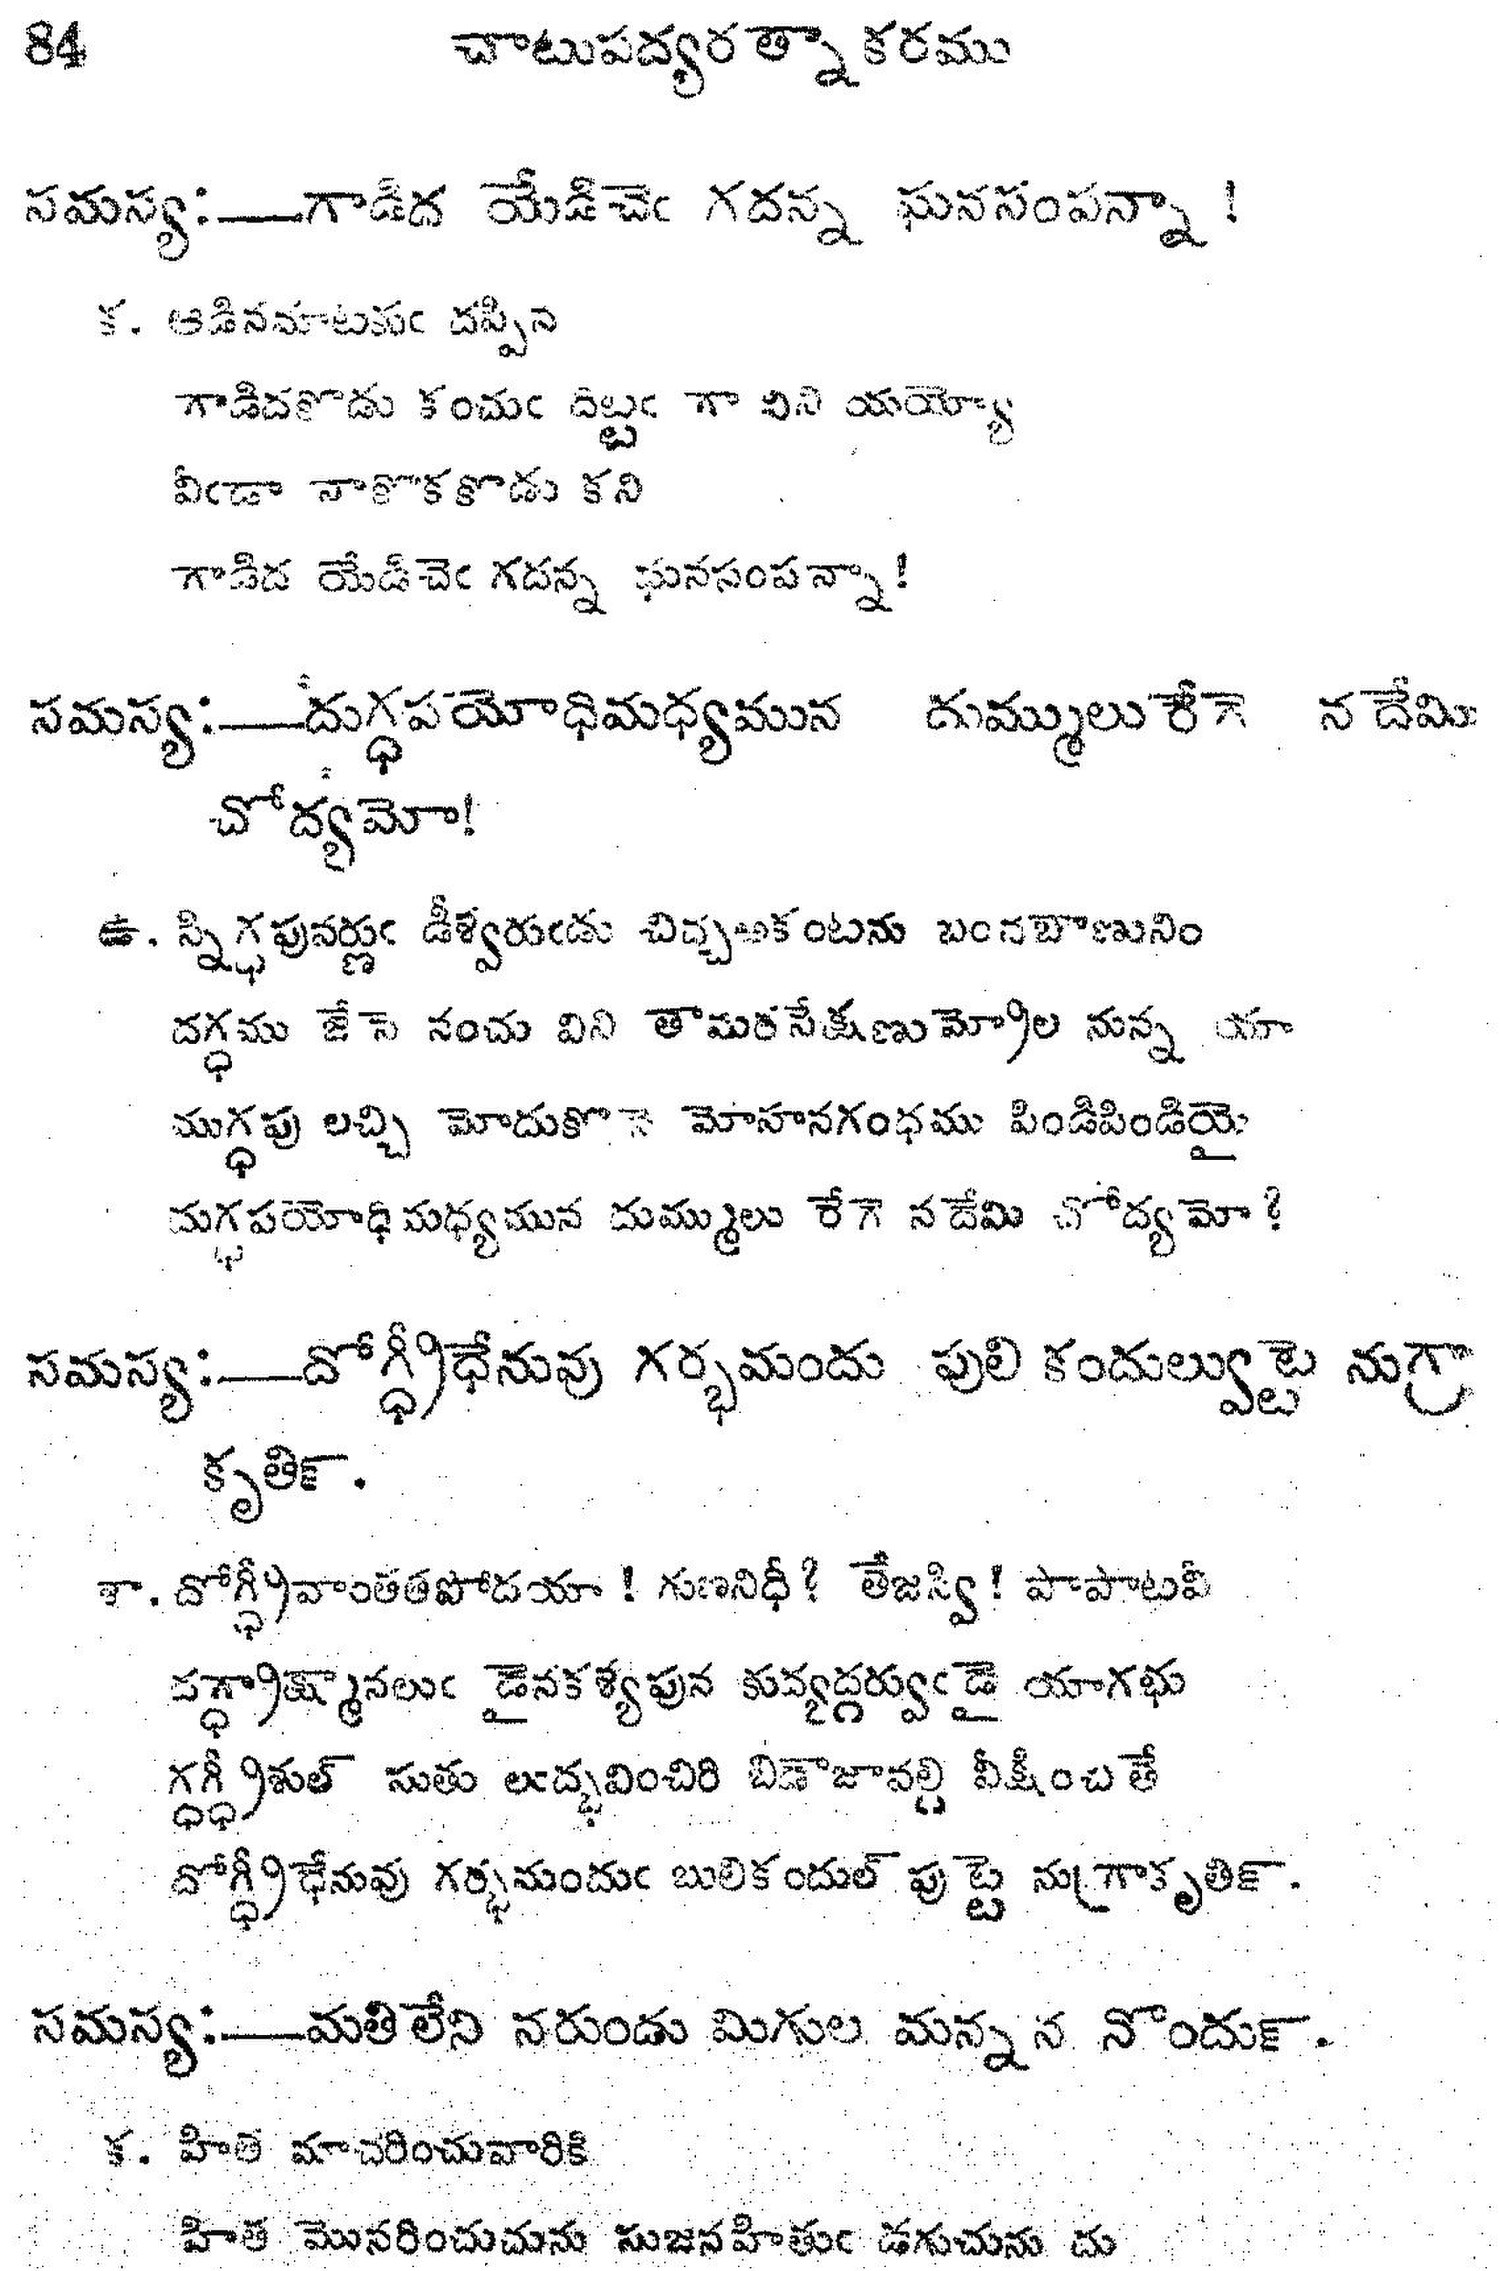సమస్య:—గాడిద యేడిచెఁ గదన్న ఘనసంపన్నా

క. ఆడినమాటకుఁ దప్పిన
 గాడిదకొడు కంచుఁ దిట్టఁ గా విని యయ్యో
 వీఁడా నాకొకకొడు కని
 గాడిద యేడిచెఁ గదన్న ఘనసంపన్నా!

సమస్య:—దుగ్ధపయోధిమధ్యమున దుమ్ములురేగె నదేమి చోద్యమో

ఉ. స్నిగ్ధపువర్ణుఁ డీశ్వరుఁడు చిచ్చఱకంటను బంచబాణునిం
 దగ్ధము జేసె నంచు విని తామరసేక్షణు మ్రోల నున్న యా
 ముగ్ధపు లచ్చి మోదుకొనె మోహనగంధము పిండిపిండియై
 దుగ్ధపయోధిమధ్యమున దుమ్ములు రేగె నదేమి చోద్యమో!

సమస్య:—దోగ్ధ్రీధేనువు గర్భమందు పులి కందుల్వుట్టె నుగ్రాకృతిన్

శా. దోగ్ధ్రీవాంతతపోదయా! గుణనిధీ? తేజస్వి! పాపాటవీ
 దగ్ధ్రాక్ష్మానలుఁ డైనకశ్యపున కుద్యద్గర్వుఁడై యాగభు
 గ్ధగ్ధ్రీశుల్ సుతు లుద్భవించిరి బిడౌజావల్లి వీక్షించితే
 దోగ్ధ్రీధేనువు గర్భమందుఁ బులికందుల్ పుట్టె నుగ్రాకృతిన్.

సమస్య:—మతిలేని నరుండు మిగుల మన్నన నొందున్

క. హిత మాచరించువారికి
 హిత మొనరించుచును సుజనహితుఁ డగుచును దు